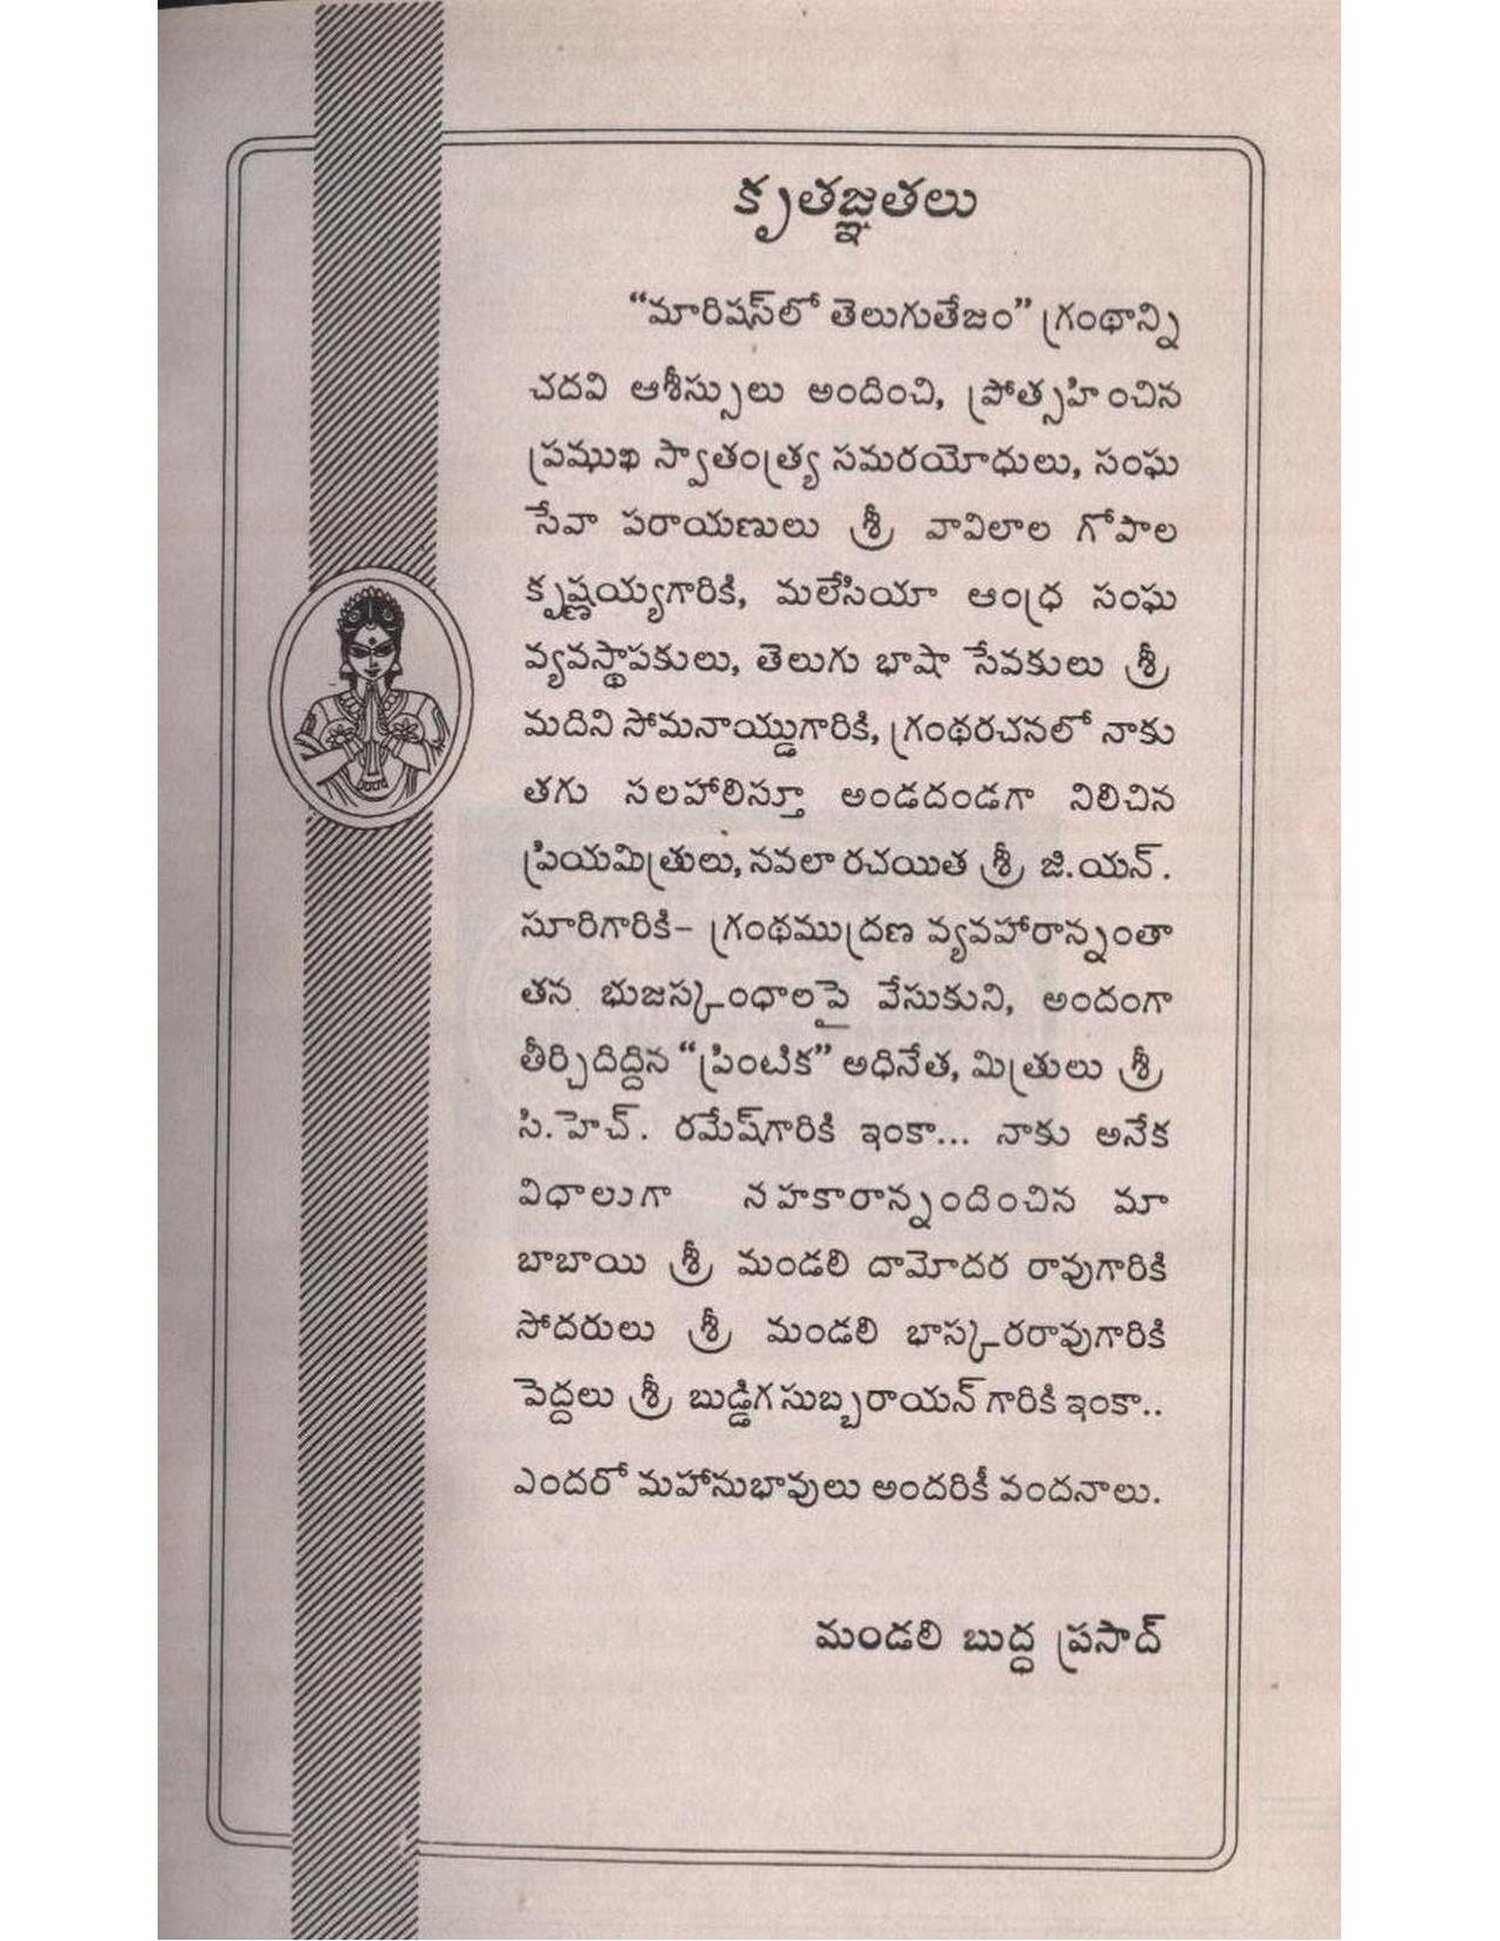"మారిషస్‌లో తెలుగుతేజం" గ్రంథాన్ని చదవి ఆశీస్సులు అందించి, ప్రోత్సహించిన ప్రముఖ స్వాతంత్ర్య సమరయోధులు, సంఘ సేవా పరాయణులు శ్రీ వావిలాల గోపాల కృష్ణయ్యగారికి, మలేసియా ఆంధ్ర సంఘ వ్యవస్థాపకులు, తెలుగు భాషా సేవకులు శ్రీ మదిని సోమనాయ్డుగారికి - గ్రంథరచనలో నాకు తగు సలహాలిస్తూ అండదండగా నిలిచిన ప్రియమిత్రులు, నవలారచయిత శ్రీ జి.యన్. సూరిగారికి- గ్రంథముద్రణ వ్యవహారాన్నంతా తన భుజస్కంధాలపై వేసుకుని, అందంగా తీర్చిదిద్దిన "ప్రింటిక" అధినేత, మిత్రులు శ్రీ సి.హెచ్. రమేష్ గారికి ఇంకా... నాకు అనేక విధాలుగా నహకారాన్నందించిన మా బాబాయి శ్రీ మండలి దామోదర రావుగారికి సోదరులు శ్రీ మండలి భాస్కరరావుగారికి పెద్దలు శ్రీ బుడ్డిగసుబ్బరాయన్ గారికి ఇంకా..

ఎందరో మహానుభావులు అందరికీ వందనాలు.